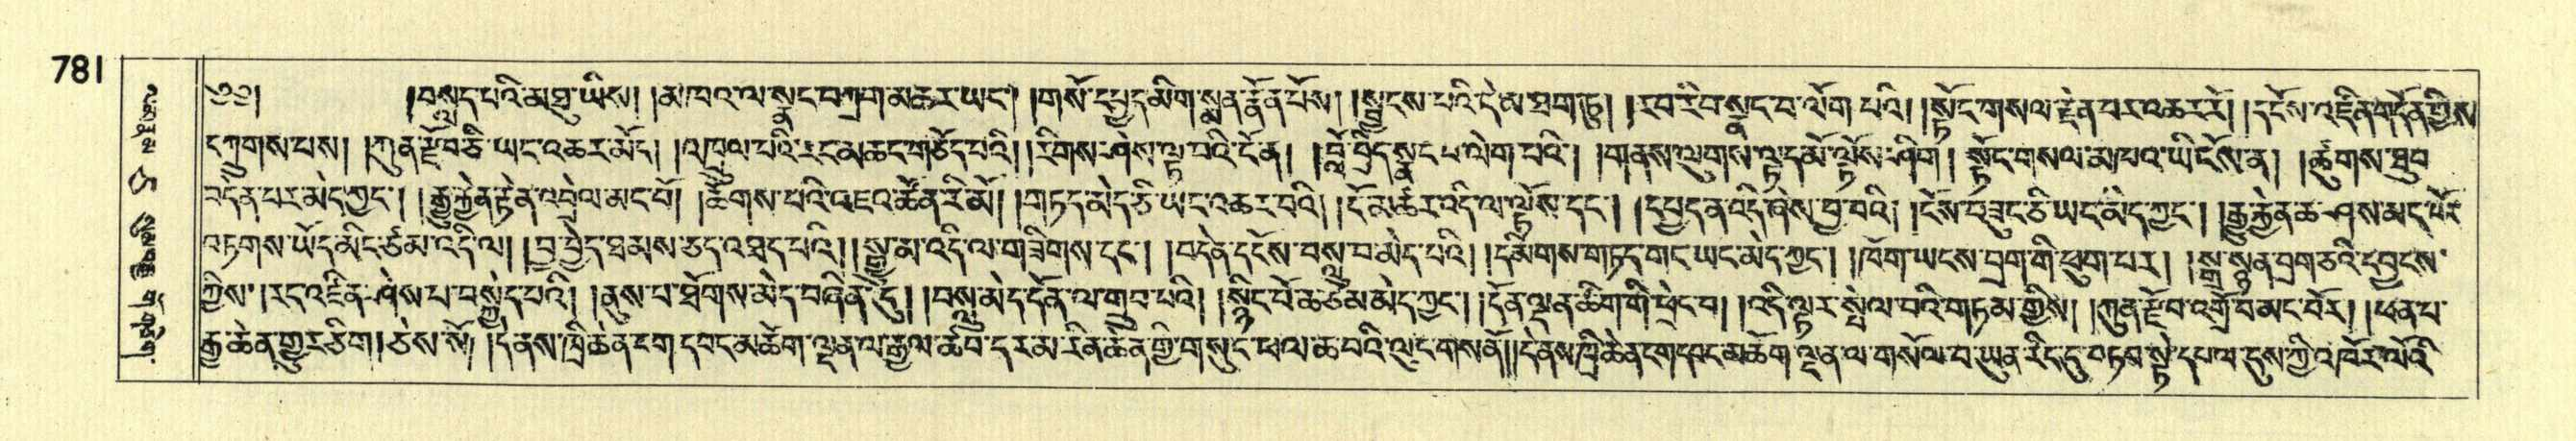༄༅། །བསླད་པའི་མཐུ་ཡིས། །མཁའ་ལ་སྣང་བཀྲག་མཆར་ཡང་། །གསོ་དཔྱད་མིག་སྨད་རྣོན་པོས། །སྦྱངས་པའི་དེ་མ་ཐག་ཏུ། །རབ་རིབ་སྣང་བ་ལོག་པའི། །སྟོང་གསལ་རྗེན་བར་འཆར་རོ། །དངོས་འཛིན་གདོན་གྱིས་
དཀྲུགས་པས། །ཀུན་རྫོབ་ཅི་ཡང་འཆར་མོང་། །འཁྲུལ་པའི་རང་མཆང་འྕོད་བའི། །རིགས་ཤེས་ལྟ་བའི་ངོ་ན། །བློ་བྲིད་སྣང་པ་ལེགས་པའི། །གནས་ལུགས་ལྟད་མོ་ལྟོས་ཤིག། སྟོང་གསལ་མཁའ་ཡི་ངོས་ན། །ཚུགས་ཐུབ་
བདེན་པར་མེད་ཀྱང་། །རྒྱུ་རྐྱེན་རྟེན་འབྲེལ་མང་པོ། །ཆོགས་པའི་འཇའ་ཚོན་རི་མོ། །གཏད་མེད་ཅི་ཡང་འཆར་བའི། །ངོ་མཚར་འདི་ལ་ལྟོས་དང་། །དཔྱད་ན་འདི་ཞེས་བྱ་བའི། །ངོས་བཟུང་ཅི་ཡང་མིད་ཀྱང་། །རྒྱུ་རྐྱེན་ཆ་ཤས་མང་པོར་
བཏགས་ཡོད་མིང་ཙམ་འདི་ལ། །བྱ་བྱེད་ཐམས་ཅད་འཐད་པའི། །སྒྱུ་མ་འདི་ལ་གཟིགས་དང་། །བདེན་དངོས་བསླུ་བ་མེད་པའི་།དམིགས་གཏད་གང་ཡང་མེད་ཀྱང་། །ཁོག་ཡངས་བྲག་གི་ཕུག་པར། །སྒྲ་སྙན་བྲག་ཅའི་དབྱངས་
ཀྱིས། །རང་འཛིན་ཤེས་པ་བསྐྱེད་པའི། །ནུས་པ་ཐོགས་མེད་བཞིན་དུ། །བསླུ་མེད་དོན་ལ་གྲུབ་པའི། །སྙིང་པོ་ཆ་ཙམ་མེད་ཀྱང་། །དོན་ལྡན་ཚིག་གི་ཕྲེང་བ། །འདི་ལྟར་སྤེལ་བའི་གཏམ་གྱིས། །ཀུན་རྫོབ་འགྲོ་བ་མང་བོར། །ཕན་པ་
རྒྱ་ཆེན་གྱུར་ཅིག། །ཅེས་སོ། །དེ་ནས་ཁྲི་ཆེན་ངག་དབང་མཆོག་ལྡན་ལ་རྒྱལ་ཚབ་དར་མ་རིན་ཆེན་གྱི་གསུང་ཕལ་ཆ་བའི་ལུང་གས་ནོ?། །དེ་ནས་ཁྲི་ཆེན་ངག་དབང་མཆོག་ལྡན་ལ་གསོལ་བ་ཡུན་རིང་དུ་བཏབ་སྟེ་དཔལ་དུས་ཀྱི་འཁོར་ལོའི་